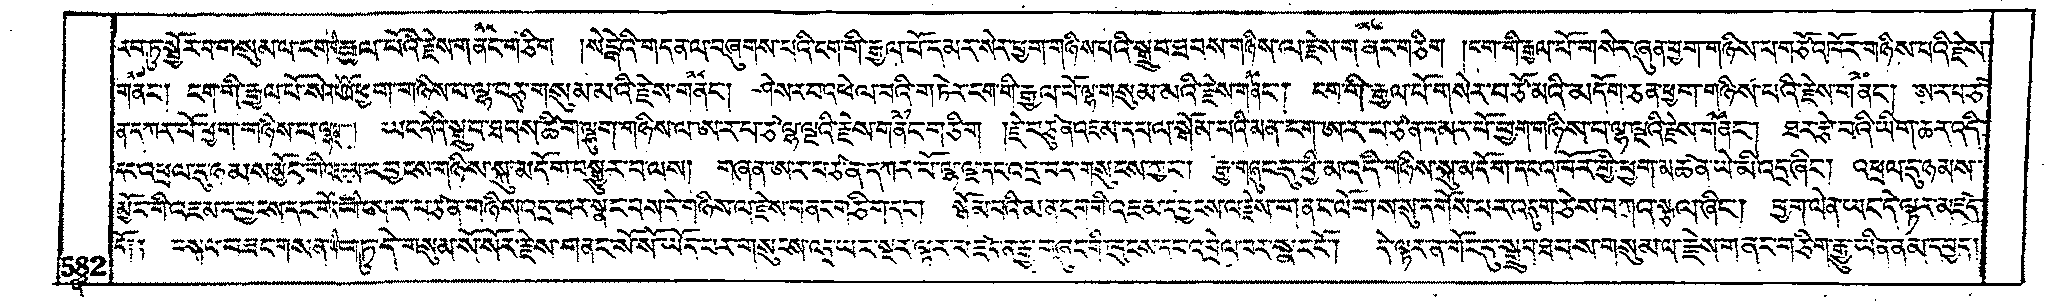རབ་ཏུ་སྦྱོར་བ་གསུམ་ལ་ངག་གི་རྒྱལ་པོའི་རྗེས་གནང་གཅིག །སེངྒེའི་གདན་ལ་བཞུགས་པའི་ངག་གི་རྒྱལ་པོ་དམར་སེར་ཕྱག་གཉིས་པའི་སྒྲུབ་ཐབས་གཉིས་ལ་རྗེས་གནང་གཅིག །ངག་གི་རྒྱལ་པོ་གསེར་ཞུན་ཕྱག་གཉིས་པ་གཙོ་འཁོར་གཉིས་པའི་རྗེས་
གནང་། ངག་གི་རྒྱལ་པོ་སེར་པོ་ཕྱག་གཉིས་པ་ལྷ་བཅུ་གསུམ་མའི་རྗེས་གནང་། ཤེས་རབ་འཕེལ་བའི་གཏེར་ངག་གི་རྒྱལ་པོ་ལྷ་གསུམ་མའི་རྗེས་གནང་། ངག་གི་རྒྱལ་པོ་གསེར་བཙོ་མའི་མདོག་ཅན་ཕྱག་གཉིས་པའི་རྗེས་གནང་། ཨ་ར་པ་ཙ་
ན་དཀར་པོ་ཕྱག་གཉིས་པ་ལྷ་ལྔ། ཡང་དེའི་སྒྲུབ་ཐབས་ཚིག་ལྷུག་གཉིས་ལ་ཨ་ར་པ་ཙ་ལྷ་ལྔའི་རྗེས་གནང་གཅིག །རྗེ་བཙུན་འཇམ་དཔལ་སྒོམ་པའི་མན་ངག་ཨ་ར་པ་ཙ་ན་དམར་པོ་ཕྱག་གཉིས་པ་ལྷ་ལྔའི་རྗེས་གནང་། ཐར་རྩེ་བའི་ཡིག་ཆར་འདི་
དང་འཕྲལ་དུ་ཉམས་མྱོང་གི་འཇམ་དབྱངས་གཉིས་སྐུ་མདོག་བསྒྱུར་བ་ལས། གཞན་ཨ་ར་པ་ཙ་ན་དཀར་པོ་ལྷ་ལྔ་དང་འདྲ་བར་གསུངས་ཀྱང་། རྒྱ་གཞུང་དུ་ཕྱི་མ་འདི་གཉིས་སྐུ་མདོག་དང་འཁོར་གྱི་ཕྱག་མཚན་ཡེ་མི་འདྲ་ཞིང་། འཕྲལ་དུ་ཉམས་
མྱོང་གི་འཇམ་དབྱངས་དང་གོང་གི་ཨ་ར་པ་ཙ་ན་གཉིས་འདྲ་བར་སྣང་བས་དེ་གཉིས་ལ་རྗེས་གནང་གཅིག་དང་། སྒོམ་པའི་མན་ངག་གི་འཇམ་དབྱངས་ལ་རྗེས་གནང་ལོགས་སུ་དགོས་པར་འདུག་ཅེས་བཀའ་སྩལ་ཞིང་། ཕྱག་ལེན་ཡང་དེ་ལྟར་མཛད་
དོ༑༑ བསྐལ་བཟང་གསན་ཡིག་ཏུ་དེ་གསུམ་སོ་སོར་རྗེས་གནང་སོ་སོ་ཡོད་པར་གསུངས་འདྲ་ཡང་སྔར་ལྟར་མཛད་ན་རྒྱ་གཞུང་གི་ཁུངས་དང་འབྲེལ་བར་སྣང་ངོ། དེ་ལྟར་ན་གོང་དུ་སྒྲུབ་ཐབས་གསུམ་ལ་རྗེས་གནང་གཅིག་རྒྱུ་ཡིན་ནམ་དཔྱད།